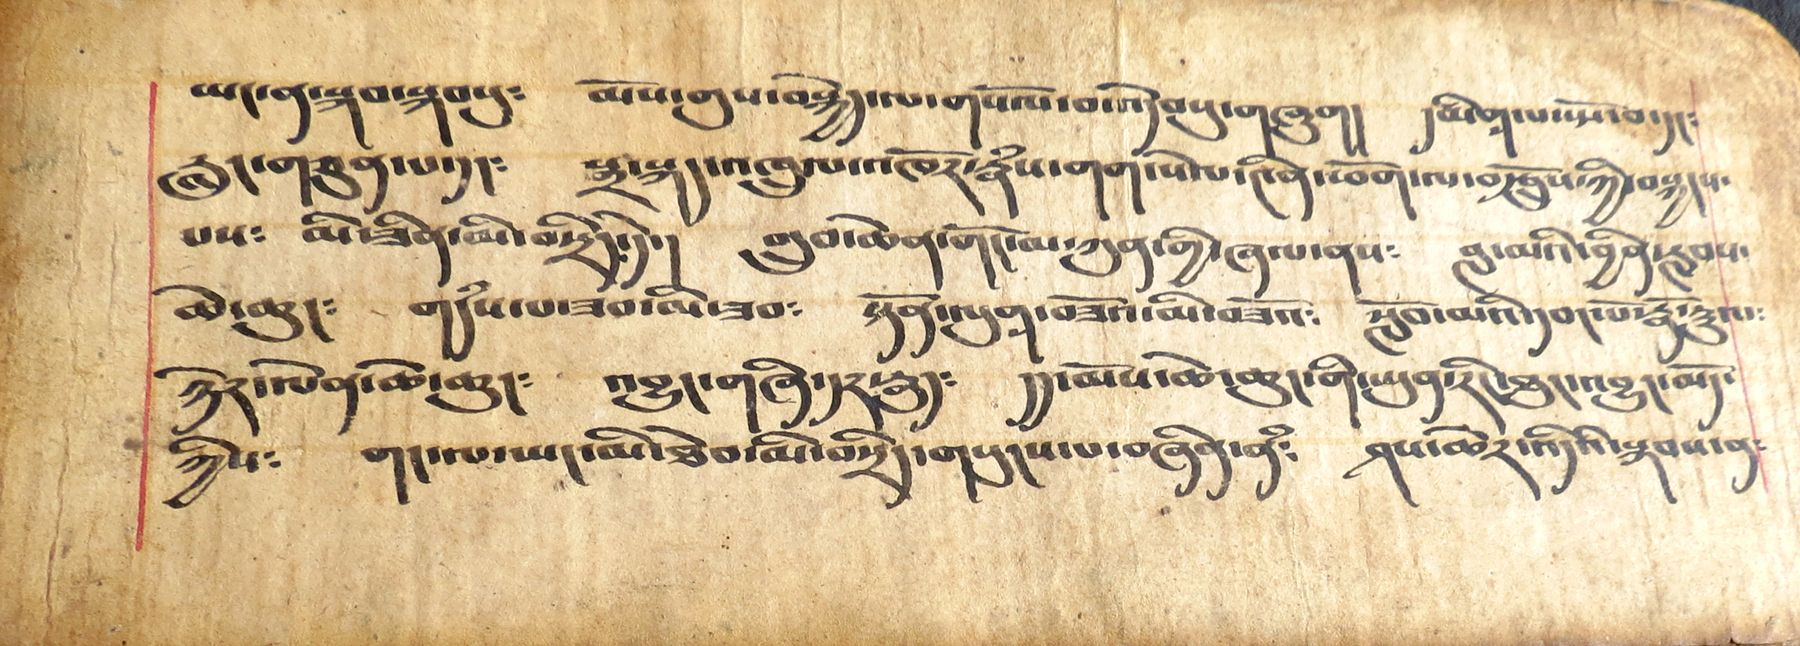ཡང་ནས་སྐབས་སྐབས་སུ་མོས་གུས་བསྐྱེད་ལ་གསོལ་བ་འདེབས་སུ་བཞུགས། དམིགས་པ་སྤོ་བ་དང་། 
རླུང་གཅུན་པ་དང་། སྒྲ་སྐད་འཁྲུལ་འཁོར་རྣམས་གེགས་སེལ་བཞིན་ཕོག་ལ་བརྩོན་འགྲུས་ཀྱིས་བསྐྱངས་
པས་མི་ཟིན་མི་སྲིད་དེ། གྲུབ་ཆེན་གོང་མ་ཀུན་གྱི་ཞལ་ནས་བླ་མའི་བྱིན་རླབས་
ཆེ་ཆུང་གདམས་པ་ཟབ་མི་ཟབ། སྟོན་ལུགས་བཟོ་མི་བཟོ། སློབ་མའི་དབང་པོ་རྣོ་རྟུལ། 
ཉེར་ལེན་ཆེ་ཆུང་། འབྱུང་བཞི་དར་གུད། དད་མོས་ཆེ་ཆུང་གིས་ཡུན་རིང་ཐུང་འབྱུང་མོད་
ཀྱིས། གང་ལ་ཡང་མི་ཐེབས་མི་སྲིད་གསུངས་པ་བཞིན། ཤས་ཆེར་འདིའི་སྐབས་ནས་